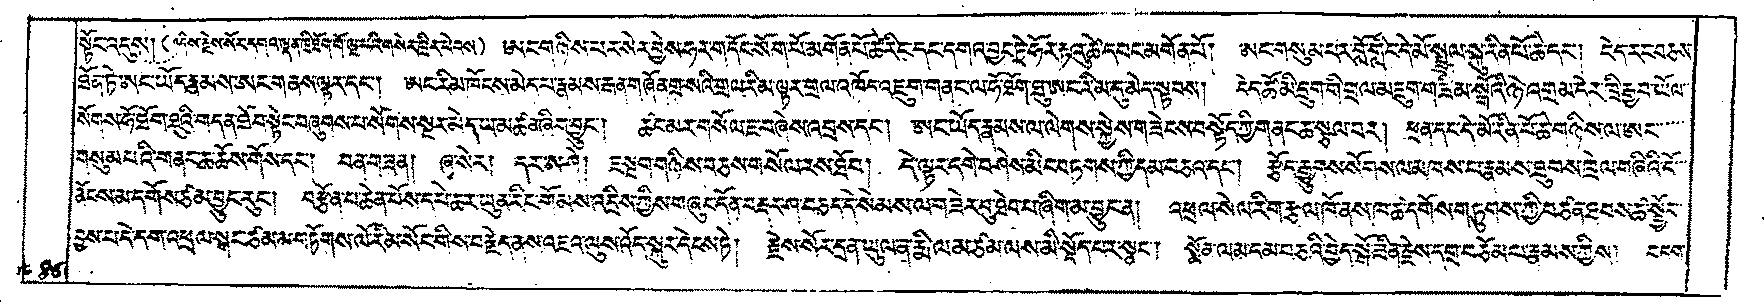སྟོང་འདུས། འདིས་རྗེས་སོར་དགའ་ལྡན་ཁྲི་ཐོག་གོ་ལྔ་པའི་གསེར་ཁྲིར་ཕེབས་ཨང་གཉིས་པར་སེར་བྱེས་ཧར་གདོང་སོག་པོ་མགོན་པོ་ཚེ་རིང་དང་དགའ་བྱང་ཏྲེ་ཧོར་རྟའུ་ཚེ་དབང་མགོན་པོ། ཨང་གསུམ་པར་བློ་གླིང་དེ་མོ་སྤྲུལ་སྐུ་རིན་པོ་ཆེ་དང་། ངེད་རང་བཅས་
ཐོན་ཏེ་ཨང་ཡོད་རྣམས་ཨང་གནས་ལྟར་དང་། ཨང་རིམ་ཁོངས་མེད་པ་རྣམས་རྒན་གཞོན་གྲ་སའི་གྲལ་རིམ་ལྟར་གྲལ་འཁོད་འཇུག་གནང་ལ་ཧོ་ཐོག་ཐུ་ཨང་རིམ་དུ་མེད་སྟབས། ངེས་ཚོ་མི་དྲུག་གི་གྲལ་མཇུག་གཟིམ་སྒོའི་ཉེ་འགྲམ་དེར་ཁྲི་རྒྱབ་ཡོལ་
སོགས་ཧོ་ཐོག་ཐུའི་གདན་ཐོབ་སྟེང་བཞུགས་པ་སོགས་སྔར་མེད་ཡ་མཚན་ཞིག་བྱུང་། ཚང་མར་གསོལ་ཇ་བཞེས་འབྲས་དང་། ཨང་ཡོད་རྣམས་ལ་ལེགས་སྐྱེས་གཟེངས་བསྟོད་ཀྱི་གནང་ཆ་སྩལ་བར། ཕྲན་དང་དེ་མོ་རིན་པོ་ཆེ་གཉིས་ལ་ཨང་
གསུམ་པའི་གནང་ཆ་ཆོས་གོས་དང་། བན་གཟན། ཞྭ་སེར། དར་ཨ་ཤེས། ཇ་སྦག་གཉིས་བཅས་གསོལ་རས་ཐོབ། དེ་ལྟར་དགེ་བཤེས་མིང་བཏགས་ཀྱི་དམ་བཅའ་དང་། རྩོད་རྒྱུགས་སོགས་ལ་མཁས་པ་རྣམས་ཐུགས་ཁྲེལ་གཞིའི་ངོ་
ནོངས་མ་དགོས་ཙམ་བྱུང་རུང་། བརྩོན་པ་ཆེན་པོས་དཔེ་ཆར་ཡུན་རིང་གོམས་འདྲིས་ཀྱིས་གཞུང་དོན་བརྡར་ཤ་བཅད་དེ་སེམས་ལ་གཟེར་བུ་ཐེབ་པ་ཞིག་མ་བྱུང་ན། འཕྲལ་སེལ་རིག་རྩལ་ཁོ་ནས་ཁ་ཚ་དགོས་གཏུགས་ཀྱི་བཙན་ཐབས་ཚ་སྦྱོང་
བྱས་པ་དེ་དག་འཕྲལ་སྒང་ཙམ་མ་གཏོགས་ལོ་རིམ་སོང་གིས་བརྗེད་ནས་འཇའ་ལུས་འོད་སྐུར་དེངས་ཏེ། རྗེས་སོར་དྲན་ཡུལ་ན་རྨི་ལམ་ཙམ་ལས་མི་སྡོད་པར་སྣང་། སྨོན་ལམ་དམ་བཅའི་བྱེད་སྒོ་ཟིན་རྗེས་དགྲ་བཅོམ་པ་རྣམས་ཀྱིས། བདག་